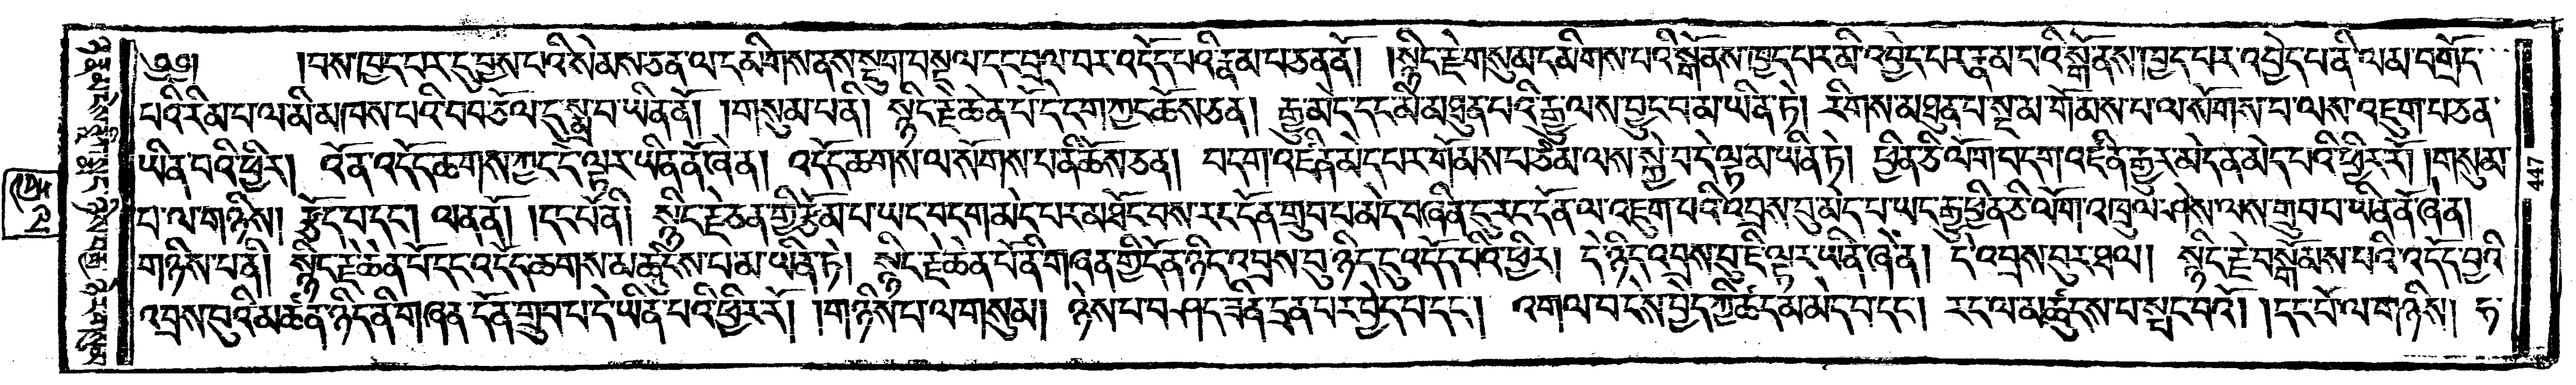༄༅། །བས་ཁྱད་པར་དུ་བྱས་པའི་སེམས་ཅན་ལ་དམིགས་ནས་སྡུག་བསྔལ་དང་བྲལ་བར་འདོད་པའི་རྣམ་པ་ཅན་ནོ། །སྙིང་རྗེ་གསུམ་དམིགས་པའི་སྒོ་ནས་ཁྱད་པར་མི་འབྱེད་པར་རྣམ་པའི་སྒོ་ནས་ཁྱད་པར་འབྱེད་པ་ནི་ལམ་བགྲོད་
པའི་རིམ་པ་ལ་མི་མཁས་པའི་བབ་ཅོལ་དུ་སྨྲ་བ་ཡིན་ནོ། །གསུམ་པ་ནི། སྙིང་རྗེ་ཆེན་པོ་དེ་དག་ཀྱང་ཆོས་ཅན། རྒྱུ་མེད་དང་མི་མཐུན་པའི་རྒྱུ་ལས་བྱུང་བ་མ་ཡིན་ཏེ། རིགས་མཐུན་པ་སྔ་མ་གོམས་པ་ལ་སོགས་པ་ལས་འཇུག་པ་ཅན་
ཡིན་པའི་ཕྱིར། འོ་ན་འདོད་ཆགས་ཀྱང་དེ་ལྟར་ཡིན་ནོ་ཞེ་ན། འདོད་ཆགས་ལ་སོགས་པ་ནི་ཆོས་ཅན། བདག་འཛིན་མེད་པར་གོམས་པ་ཙམ་ལས་སྐྱེ་བ་དེ་ལྟ་མ་ཡིན་ཏེ། ཕྱིན་ཅི་ལོག་བདག་འཛིན་རྒྱུར་མེད་ན་མེད་པའི་ཕྱིར་རོ། །གསུམ་
པ་ལ་གཉིས། རྩོད་པ་དང་། ལན་ནོ། །དང་པོ་ནི། སྙིང་རྗེ་ཅན་གྱི་རྩོམ་པ་ཡང་བདག་མེད་པར་མཐོང་བས་རང་དོན་གྲུབ་པ་མེད་བཞིན་དུ་རང་དོན་ལ་འཇུག་པའི་འབྲས་བུ་མེད་པ་ཡང་རྒྱུ་ཕྱིན་ཅི་ལོག་འཁྲུལ་ཤེས་ལས་གྲུབ་པ་ཡིན་ནོ་ཞེ་ན།
གཉིས་པ་ནི། སྙིང་རྗེ་ཆེན་པོ་དང་འདོད་ཆགས་མཚུངས་པ་མ་ཡིན་ཏེ། སྙིང་རྗེ་ཆེན་པོ་ནི་གཞན་གྱི་དོན་ཉིད་འབྲས་བུ་ཉིད་དུ་འདོད་པའི་ཕྱིར། དེ་ཉིད་འབྲས་བུ་ཇི་ལྟར་ཡིན་ཞེ་ན། དེ་འབྲས་བུར་ཐལ། སྙིང་རྗེ་བསྒོམས་པའི་འདོད་བྱའི་
འབྲས་བུའི་མཚན་ཉིད་ནི་གཞན་དོན་གྲུབ་པ་དེ་ཡིན་པའི་ཕྱིར་རོ། །གཉིས་པ་ལ་གསུམ། ཉེས་པ་བཤད་ཟིན་དྲན་པར་བྱེད་པ་དང་། འགལ་བ་ངེས་བྱེད་ཀྱི་ཚད་མ་མེད་པ་དང་། རང་ལ་མཚུངས་པ་སྤང་བའོ། །དང་པོ་ལ་གཉིས། ཧ་